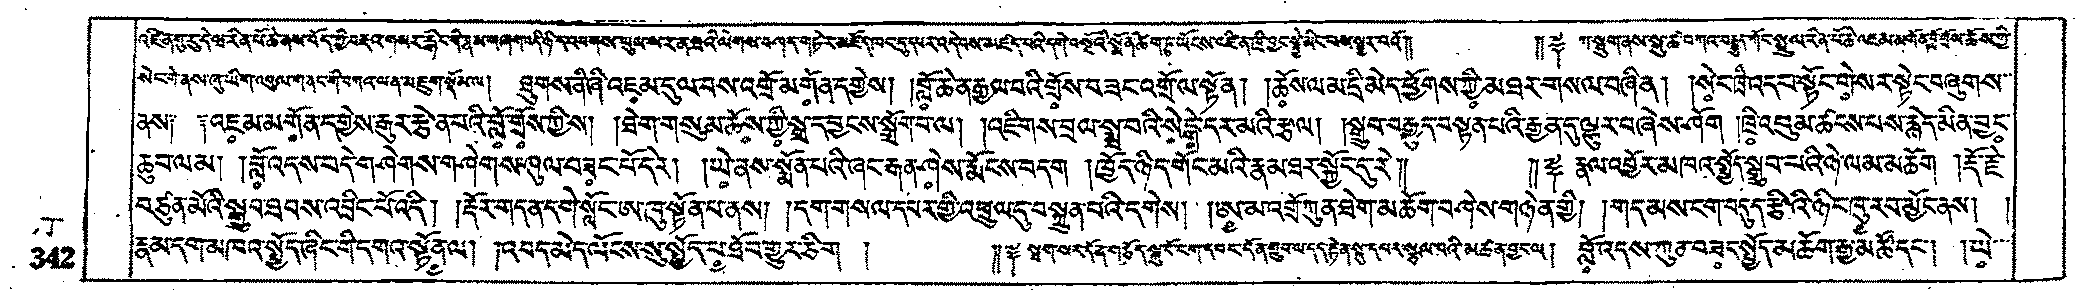འཛིན་གུ་རུ་དེ་ཝ་རིན་པོ་ཆེ་ནས་བོད་ཀྱི་བརྡའ་གསར་རྙིང་གི་རྣམ་གཞག་འདི་ཉིད་འཕགས་ཡུལ་ས་ར་ན་ཐའི་ལེགས་བཤད་གཏེར་མཛོད་ཁང་དུ་དཔར་འདེབས་མཛད་པའི་དགེ་བསྔོའི་སྨོན་ཚིག་ཏུ་ཡོངས་འཛིན་ཁྲི་བྱང་སྐྱེ་མིང་པས་སྦྱར་བའོ།། །། འ་ཀ་སྦུག་ནས་སྐུ་ཚ་བཀའ་བརྒྱུད་ཀོང་སྤྲུལ་རིན་པོ་ཆེ་འཇམ་མགོན་བློ་གྲོས་ཆོས་ཀྱི་
སེང་གེ་ནས་ཞུ་ཡིག་འབུལ་གནང་གི་བཀའ་ལན་མཇུག་སྡོམ་ལ། ཐུགས་ནི་ཞི་འཇམ྾་དུལ་བས་འགྲོ་མགོན྾་དགྱེས། །བློ྾་ཆེན་རྒྱལ་བའི་གྲོས྾་བཟང་འགྲོ་ལ་སྟོན། །ཆོས྾་ལམ་དྲི་མེད་ཕྱོགས་ཀྱི྾་མཐར་གསལ་བཞིན། །སེང྾་ཁྲི་འདབ་སྟོང་གེ྾་གསར་སྟེང་བཞུགས་་་
ནས༑ ༑འཇམ྾་མགོན྾་དགྱེས་རྒུར་རྩེན་པའི་བློ྾་གྲོས྾་ཀྱིས། །ཐེག་གསུམ་ཆོས྾་ཀྱི྾་སྒྲ་དབྱངས་སྒྲོག་པ་ལ། །འཇིགས་བྲལ་སྨྲ་བའི་སེངེ྾+གེ྾་དར་མའི་རྩལ། །སྒྲུབ་བརྒྱུད་བསྟན་པའི་རྒྱན་དུ་ལྷུར་བཞེས་ཤོག །ཁྲི྾་འབུམ་ཚངས་པས་རྙེད་མིན་བྱང྾་
ཆུབ་ལམ། །བློ྾་འདས་བདེ་གཤེགས་གཤེགས་ཤུལ་བཟང྾་པོ་དེར། །ཡེ྾་ནས་སྨོན་པའི་ཞང་རྒན་ཤེས྾་རྨོངས་བདག །ཁྱོད་ཉིད་གོང་མའི་རྣམ་ཐར་སྐྱོང་དུ་རེ།། །། འ་རྣལ་འབྱོར་མཁའ་སྤྱོད་སྒྲུབ་པའི་ཉེ་ལམ་མཆོག །རྡོ་རྗེ་
བཙུན་མོའི་སྒྲུབ་ཐབས་འབྲིང་པོ་འདི། །རྡོར་གདན་དགེ་སློང་ཨ་ཁུ་སྟོན་པ་ནས། །དག་གསལ་དཔར་གྱི་འཕྲུལ་དུ་བསྐྲུན་པའི་དགེས། །ཨཾ་མ་འགྲོ་ཀུན་ཐེག་མཆོག་བཤེས་གཉེན་གྱི། །གདམས་ངག་བདུད་རྩིའི་ཉིང་ཁུཾ་རབ་མྱོང་ནས། །
རྣམ་དག་མཁའ་སྤྱོད་ཞིང་གི་དགའ་སྟོནཾ་ལ། །འབད་མེད་ལོངས་སུ་སྤྱོད་པཾ་ཐོབ་གྱུར་ཅིག ། །། འ་སྦག་སར་དོན་གཅོད་སྐུ་ངོ་ངག་དབང་དོན་གྲུབ་ལ་དད་རྟེན་སྐུ་དཔར་སྩལ་བའི་མཚན་བྱང་ལ།  བློ྾་འདས་ཀུན་བཟང྾་སྤྱོད་མཆོག་རྒྱ་མཚོ་དང་། །ཡེ྾་་་